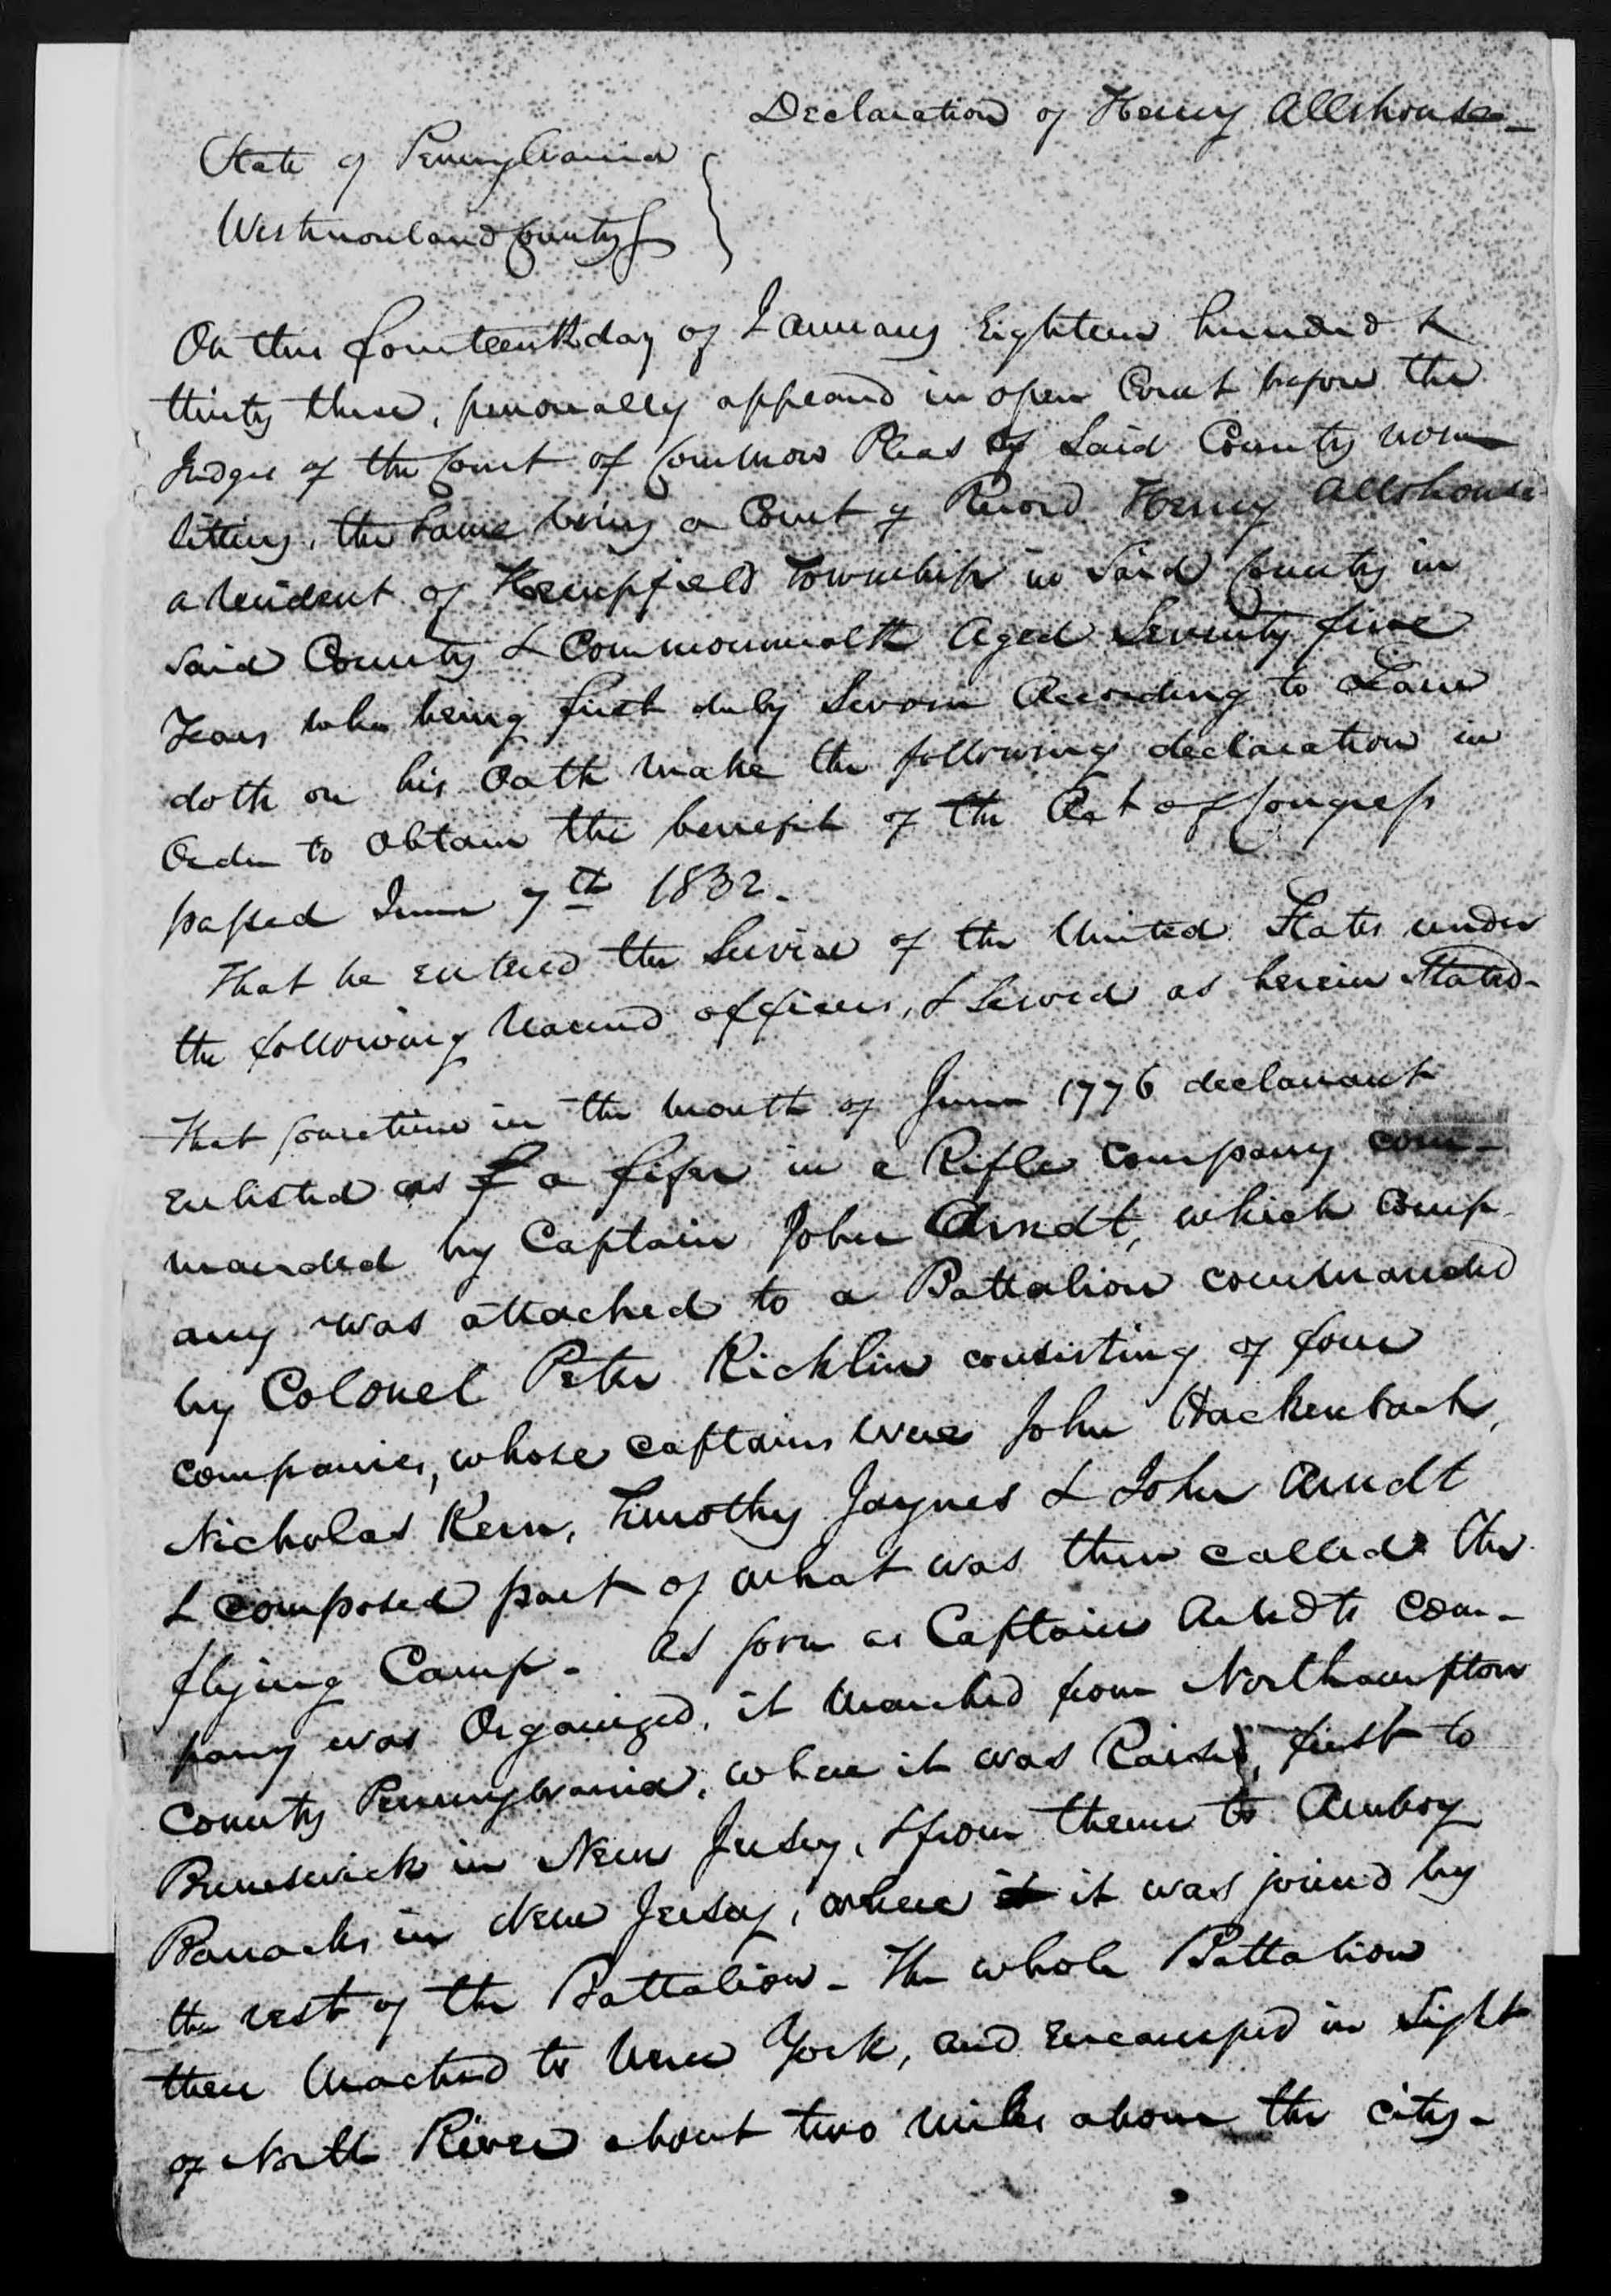Declaration of Henry Allshouse
State of Pennsylvania
Westmoreland County
On this fourteenth day of January Eighteen hundred & thirty three, personally appeared in open Court before the Judge of the Court of Common Pleas of said County who sitting, the same being a Court of Record, Henry Allshouse a resident of Hempfield Township in said county & commonwealth aged Seventy five years who being first duly sworn according to law doth on his oath make the following declaration in  order to obtain the benefit of the Act of Congress passed June 7th 1832.
That he entered the service of the United States under the following bound officers & served as herein stated. That sometime in the month of June 1776 declarant enlisted as a fifer in a Rifle Company commanded by Captain John Arndt, which company was attached to a Battalion commanded by Colonel Peter Kichlein consisting of four companies, whose captains were John Hackenbach,
Nicholas Ken, Timothy Jaynes & John Arndt & composed part of what was then called the flying camp.  As for as Captain Arndt's company was organized, it marched from Northampton County Pennsylvania, where it was raided, first to
Brunswick in New Jersey, where it was joined by the rest of the Battalion. The whole Battalion then marched to New York, and encamped in sight of North River about two mile above the city.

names: Peter Ricklin, John Hackenback, John Arndt, Nicholas Kern, Henry Allshouse, Timothy Jaynes, John Arndt, Henry Allshouse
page: 4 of 24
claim: survivor's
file: S. 2032, Henry Allshouse, Penn.